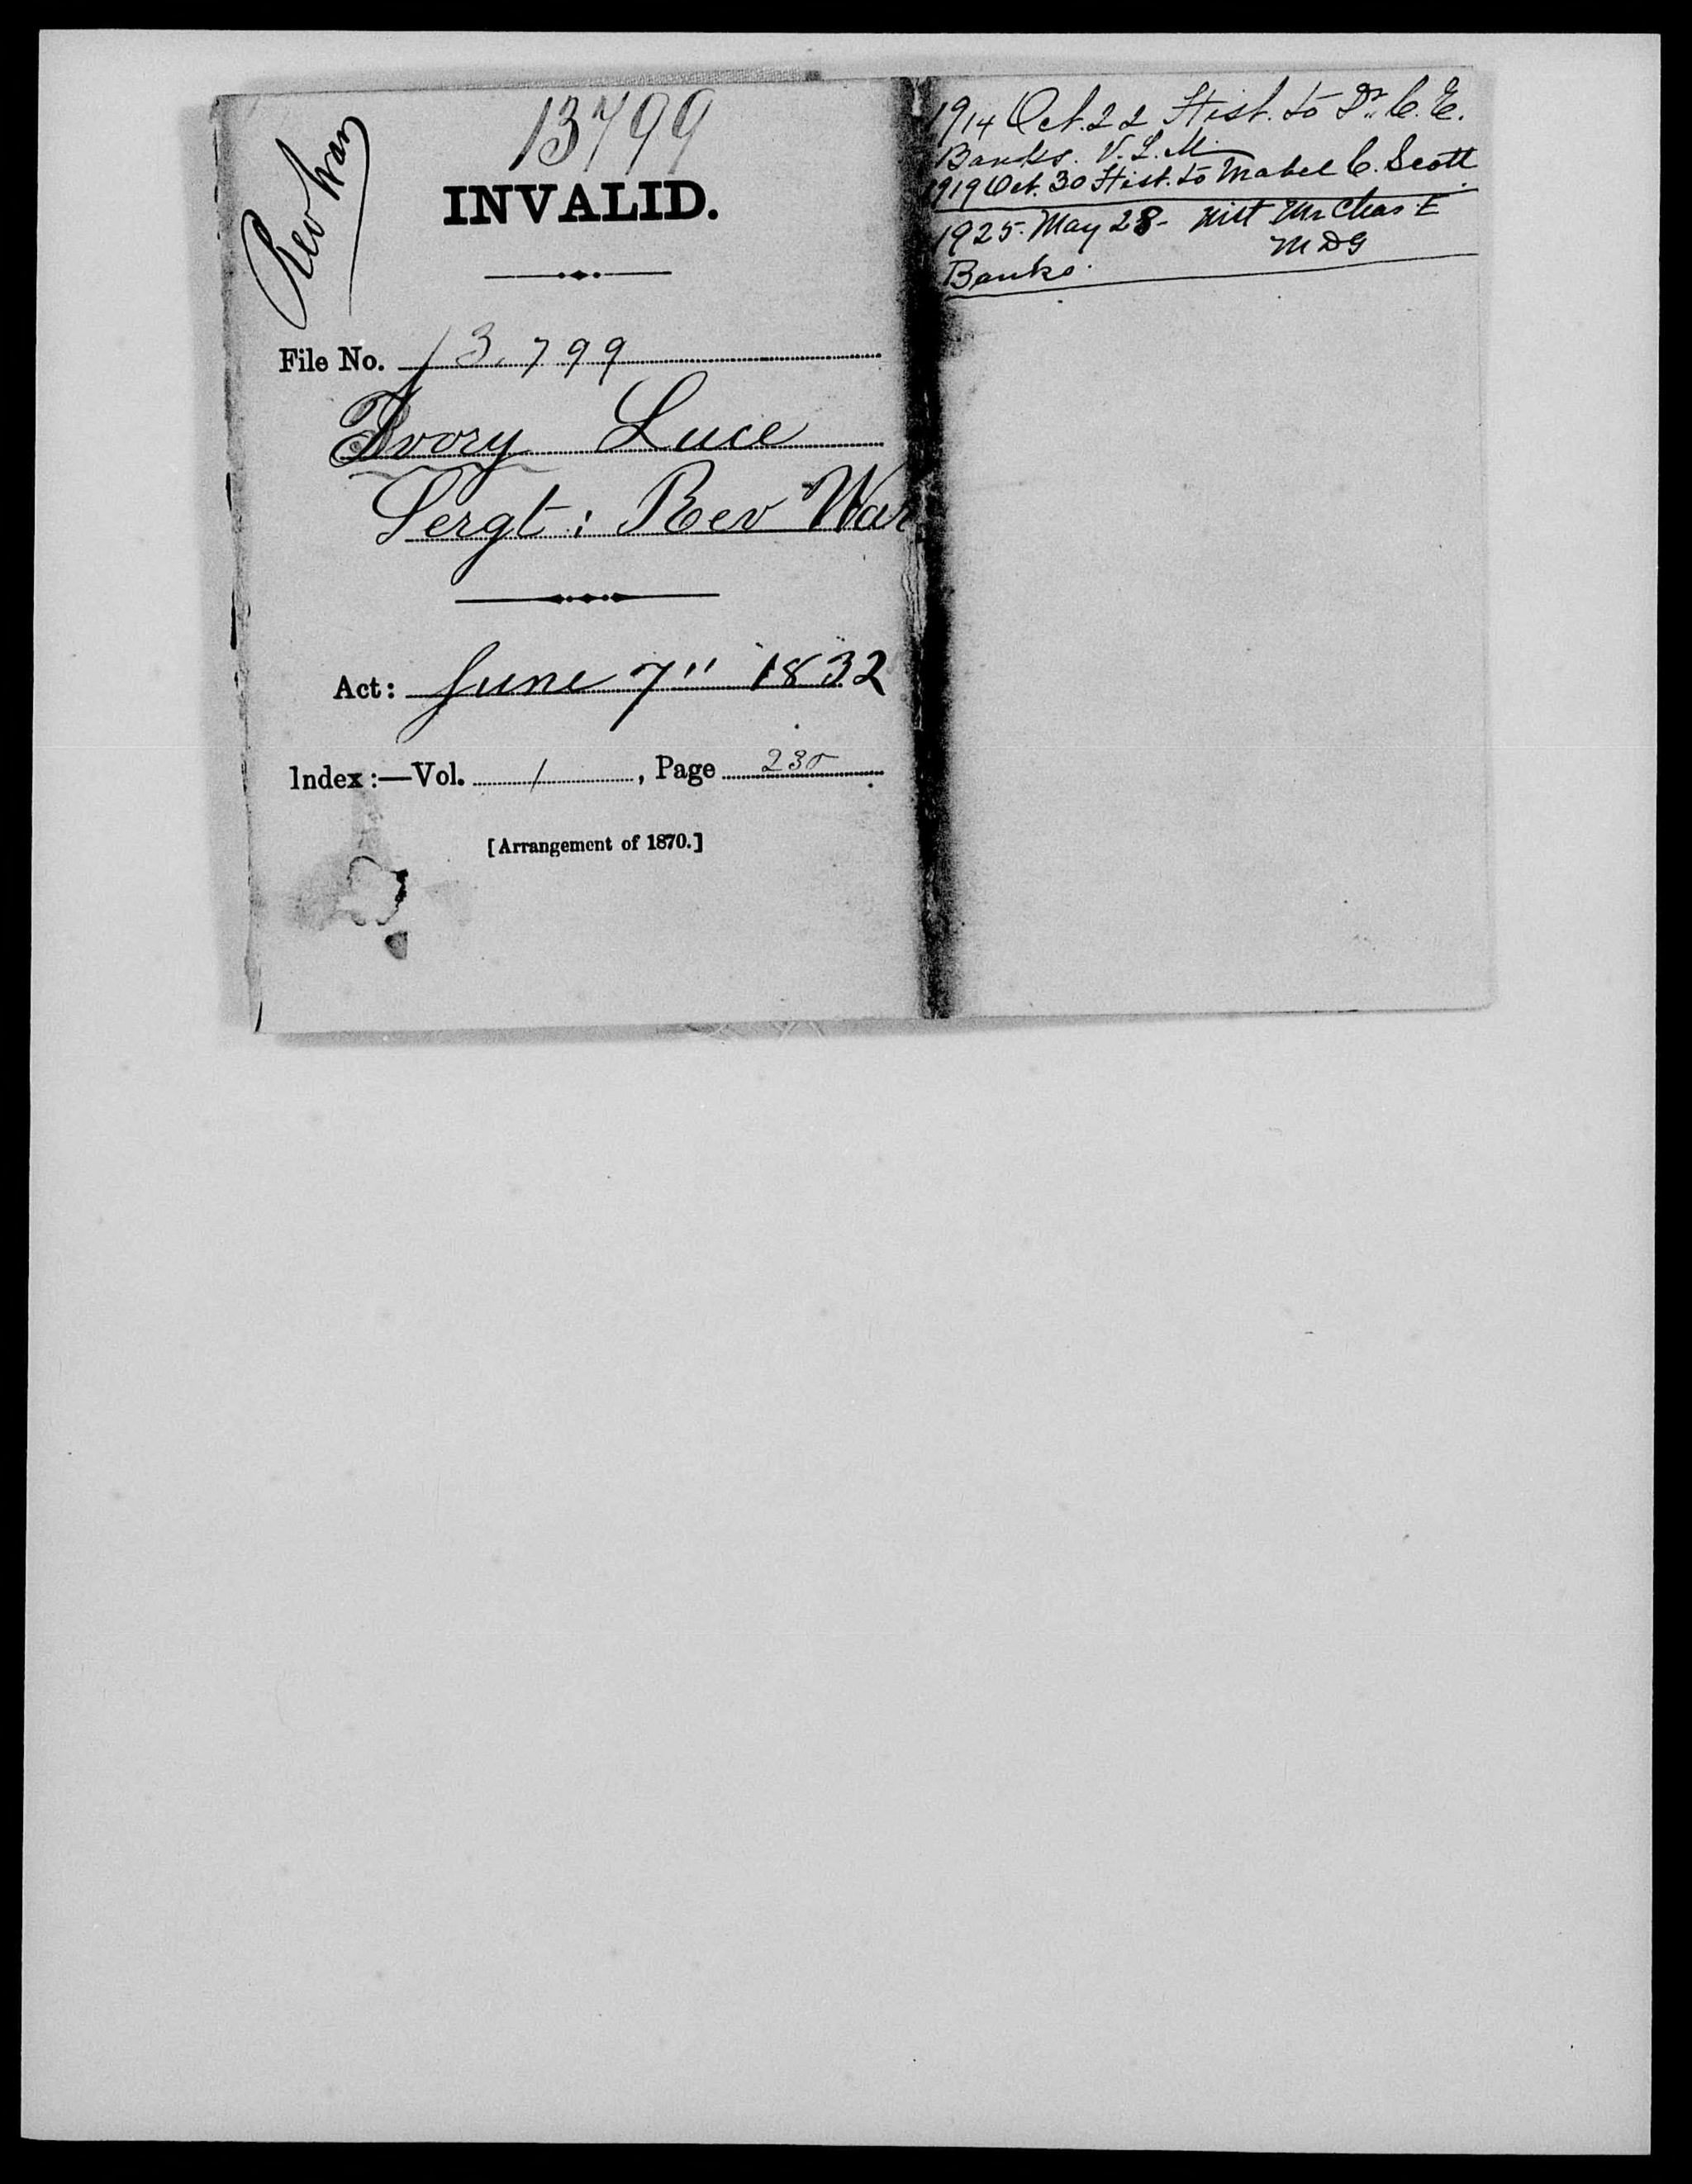13799
INVALID.

Rev War

File No. 13,799

Ivory Luce
Sergt: Rev War

Act:  June 7" 1832
Index: - Vol. 1, Page 235

Arrangement of 1870


1914 Oct. 22 Hist. to Dr C.E Banks V.LU
1919 Oct. 30 Hist to Mabel C. Scott
1925 May 28 Hist Mr Chas E Banks MDG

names: Mabel C Scott; Ivory Luce; C E Banks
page: 65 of 70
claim: rejected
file: R. 6510, for Israel Luce, New York